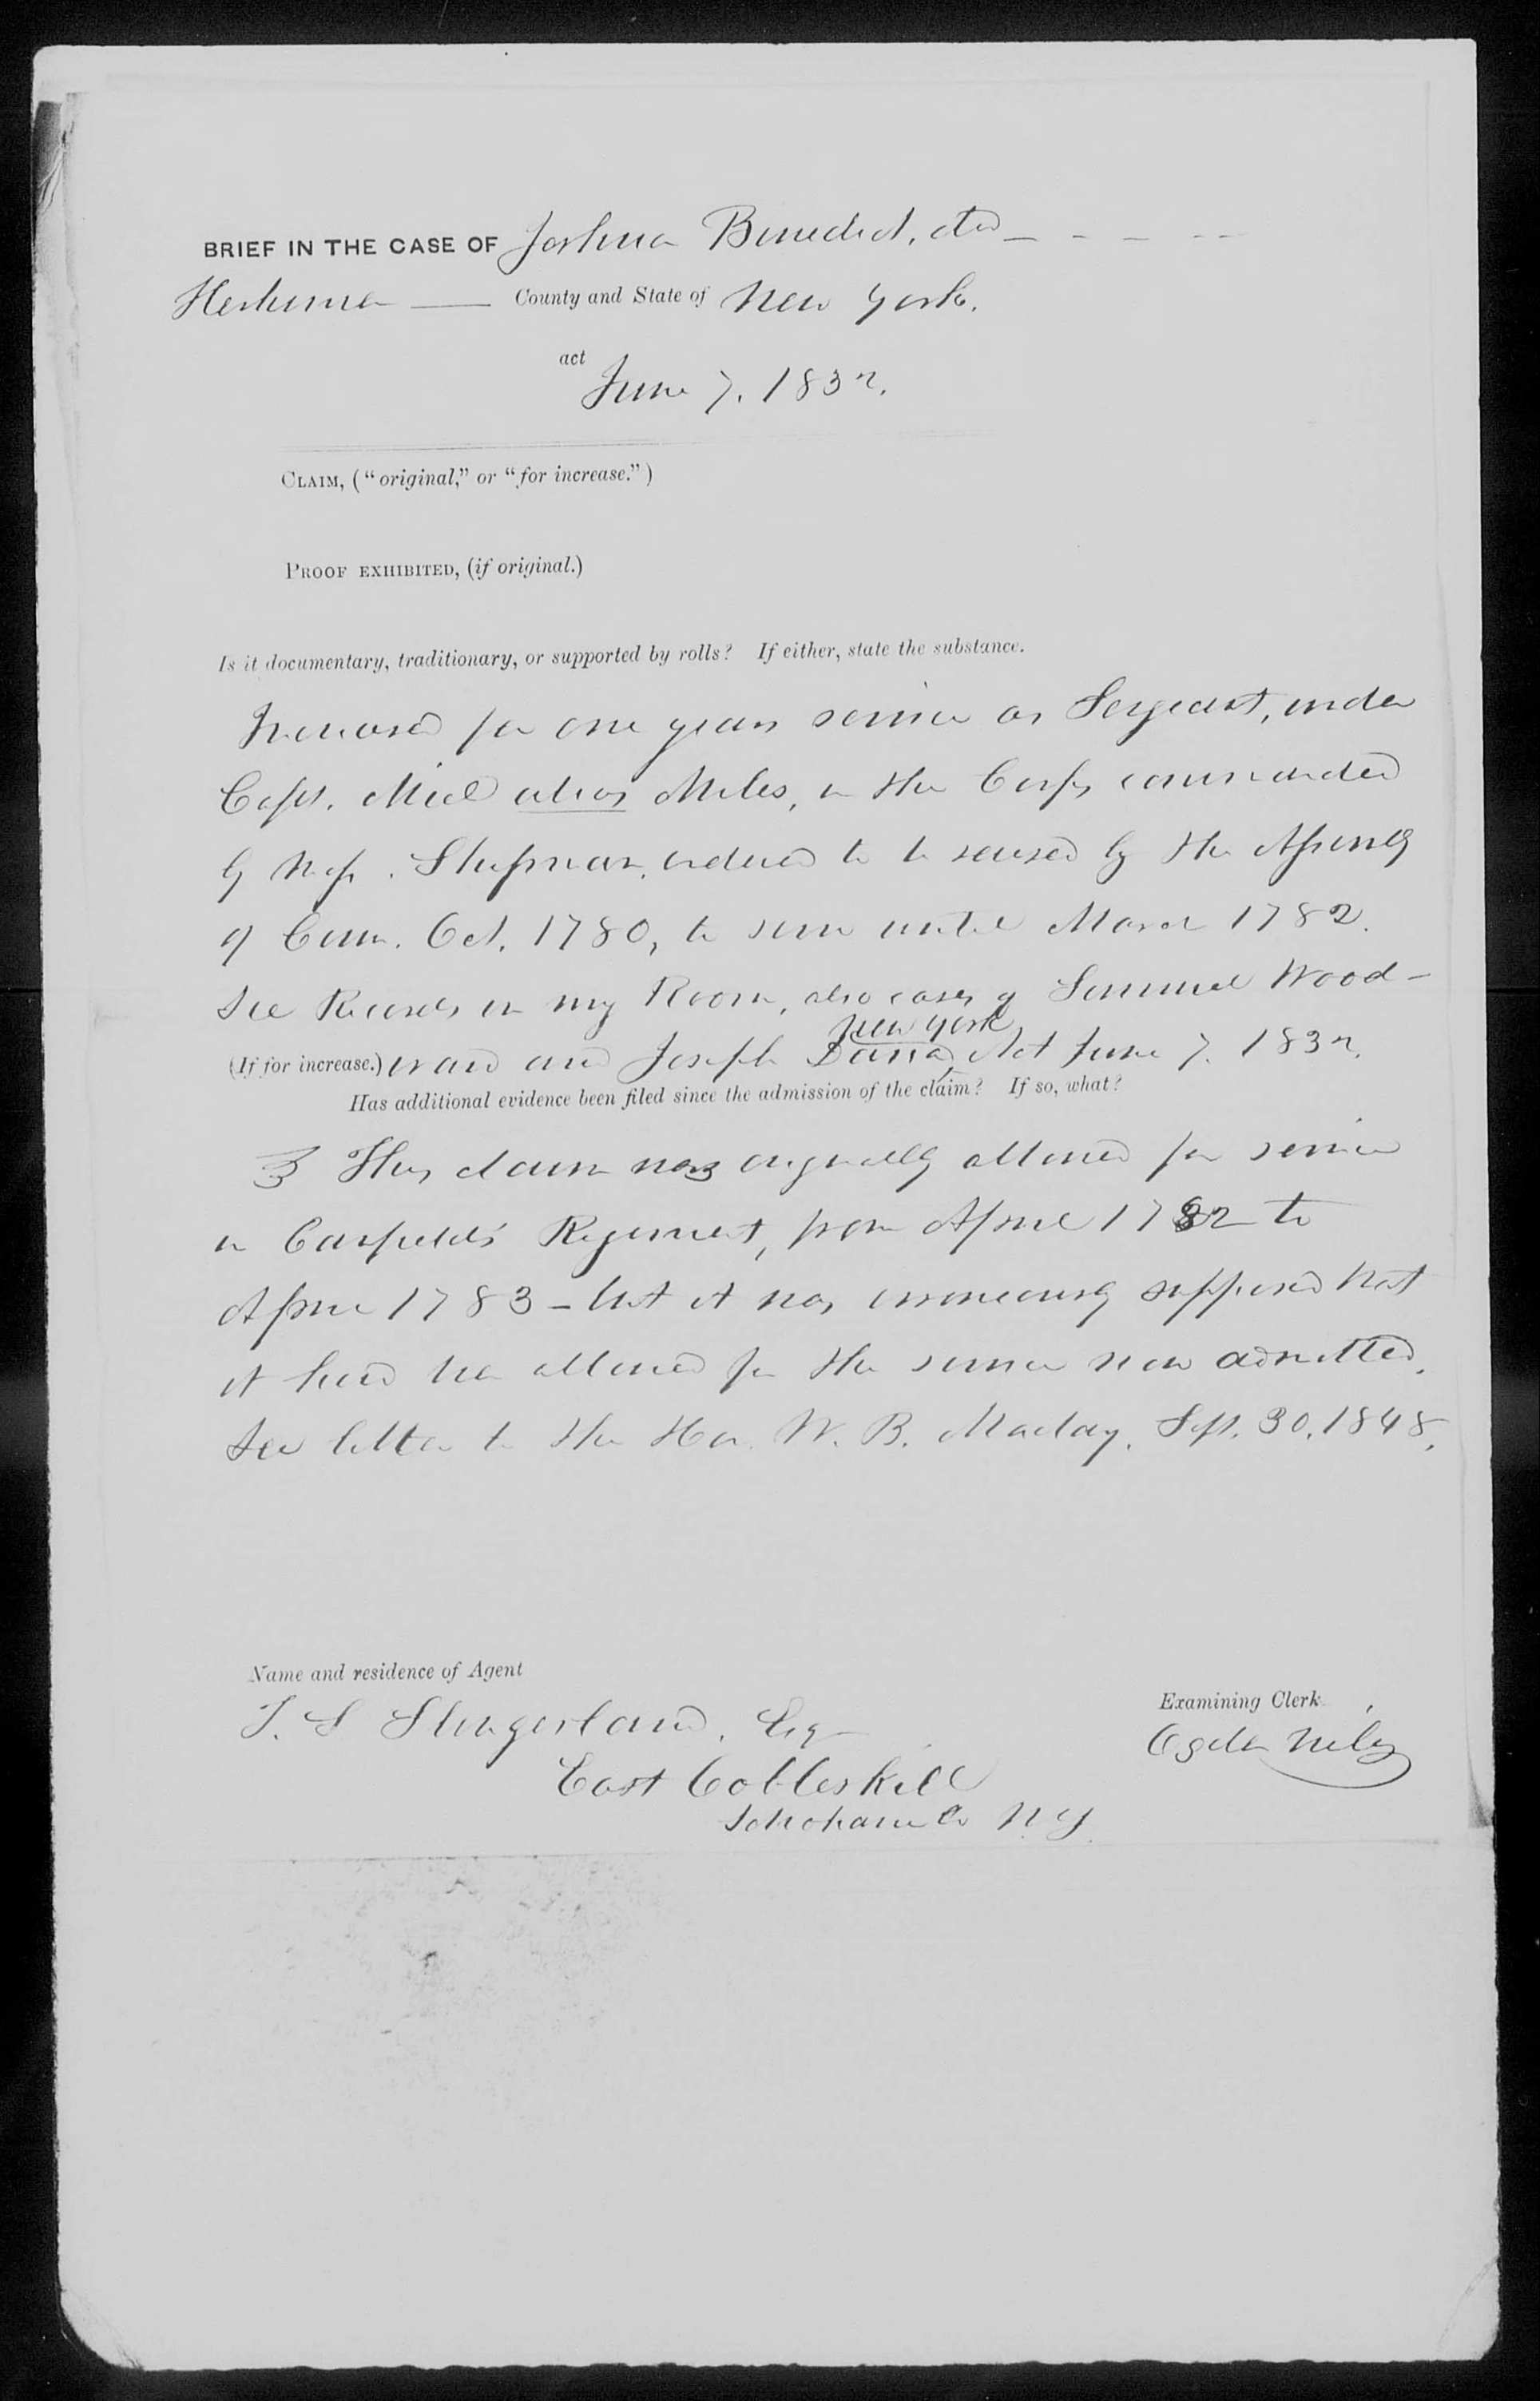BRIEF IN THE CASE OF Joshua Benedict, decd
Herkimer County and State of New York.
act June 7. 1832.

CLAIM, ("original," or "for increase.")

PROOF EXHIBITED, (if original.)

Is it documentary, traditionary, or supported by rolls? If either, state the substance.
Increase for one years service as Sergeant, under Capt. Miel alias Miles, in the Corps commanded by [illegible] Shipman, ordered to be [illegible] by the Agency of Conn. Oct. 1780, to serve until March 1782. See Records in my Room, also case of Samuel Woodward and Joseph Dana New York Act June 7. 1832.
(If for increase.)
Has additional evidence been filed since the admission of the claim? If so, what?
His claim was originally allowed for service in Canfield's Regiment, from April 1782 to April 1783 - that it was [illegible] supposed that it had been allowed for the service now admitted. See letter to the Hon. W. B. Maclay, Sept. 30. 1848.

Name and residence of Agent
T. S Slingerland, Esq
East Cobleskill
Schoharie Co N.Y.

Examining Clerk.
[illegible] Miles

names: T S Slingerland, Samuel Woodward, Miles, Joseph Dana, Shipman, W B Maclay, Joshua Benedict, Ogden Niles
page: 104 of 106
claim: survivor's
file: S 23,116., Joshua Benedict, Conn.